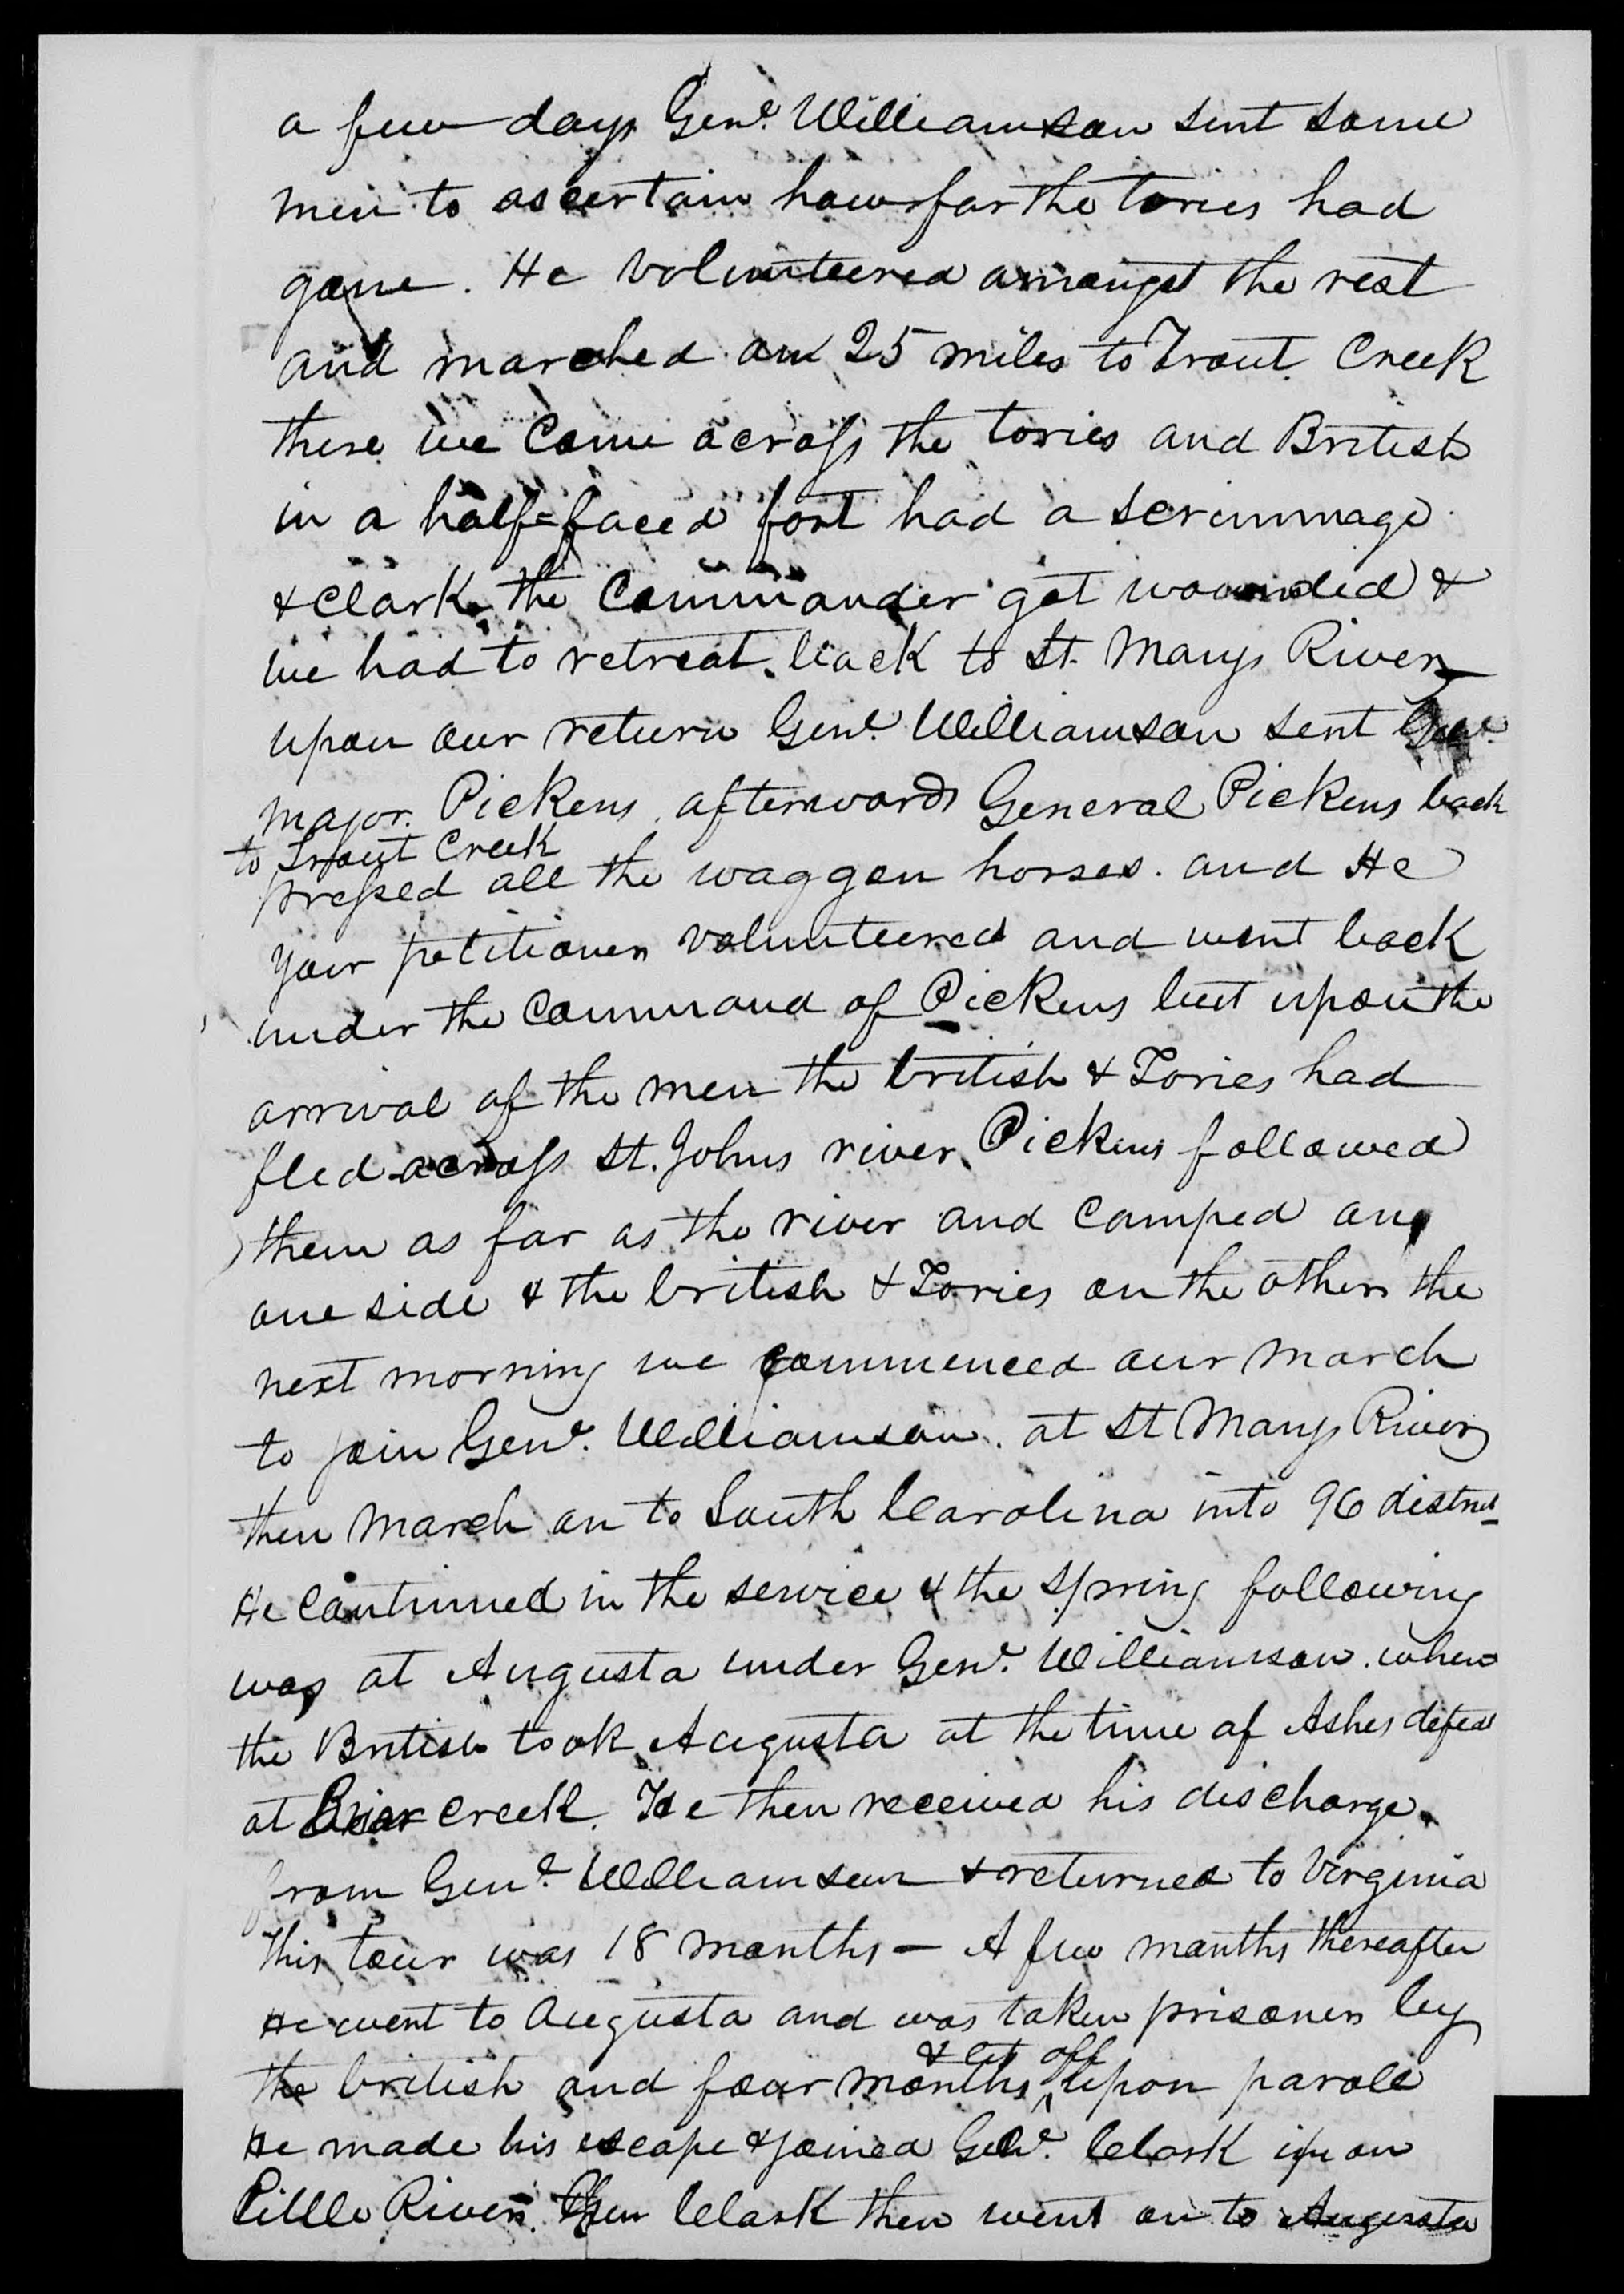a few days Genl. Williamson sent some men to ascertain how far the Tories had gone. He volunteered amongst the rest and marched on 25 miles to Trout Creek there we came across the Tories and British in a half faced fort had a scrimmage & Clark the Commander got wounded & we had to retreat back to St. Marys River upon our return Genl. Williamson sent Genl. Major Pickens afterwards General Pickens back to Trout Creek
preped all the waggon horses. and He your petitioner volunteered and went back under the Command of Pickens but upon the arrival of the men the British & Tories had fled across St. Johns river. Pickens followed them as far as the river and camped on one side & the British & Tories on the other the next morning we commenced our march to join Genl. Williamson at St Marys River then march on to South Carolina into 96 district. He continued in the service of the Spring following was at Augusta under Genl. Williamson. when the British took Augusta at the time of Ashes defeat at Briar Creek He then received his discharge from Genl. Williamson & returned to Virginia This tour was 18 months. A few months thereafter he went to Augusta and was taken prisoner by the British and four months & let off upon parole he made his escape & joined Genl. [Colonel] Clark upon Pillow River. Gen. Clark then went on to Augusta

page: 6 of 28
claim: survivor's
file: S. 16,470, for William Mc Kinney, Georgia